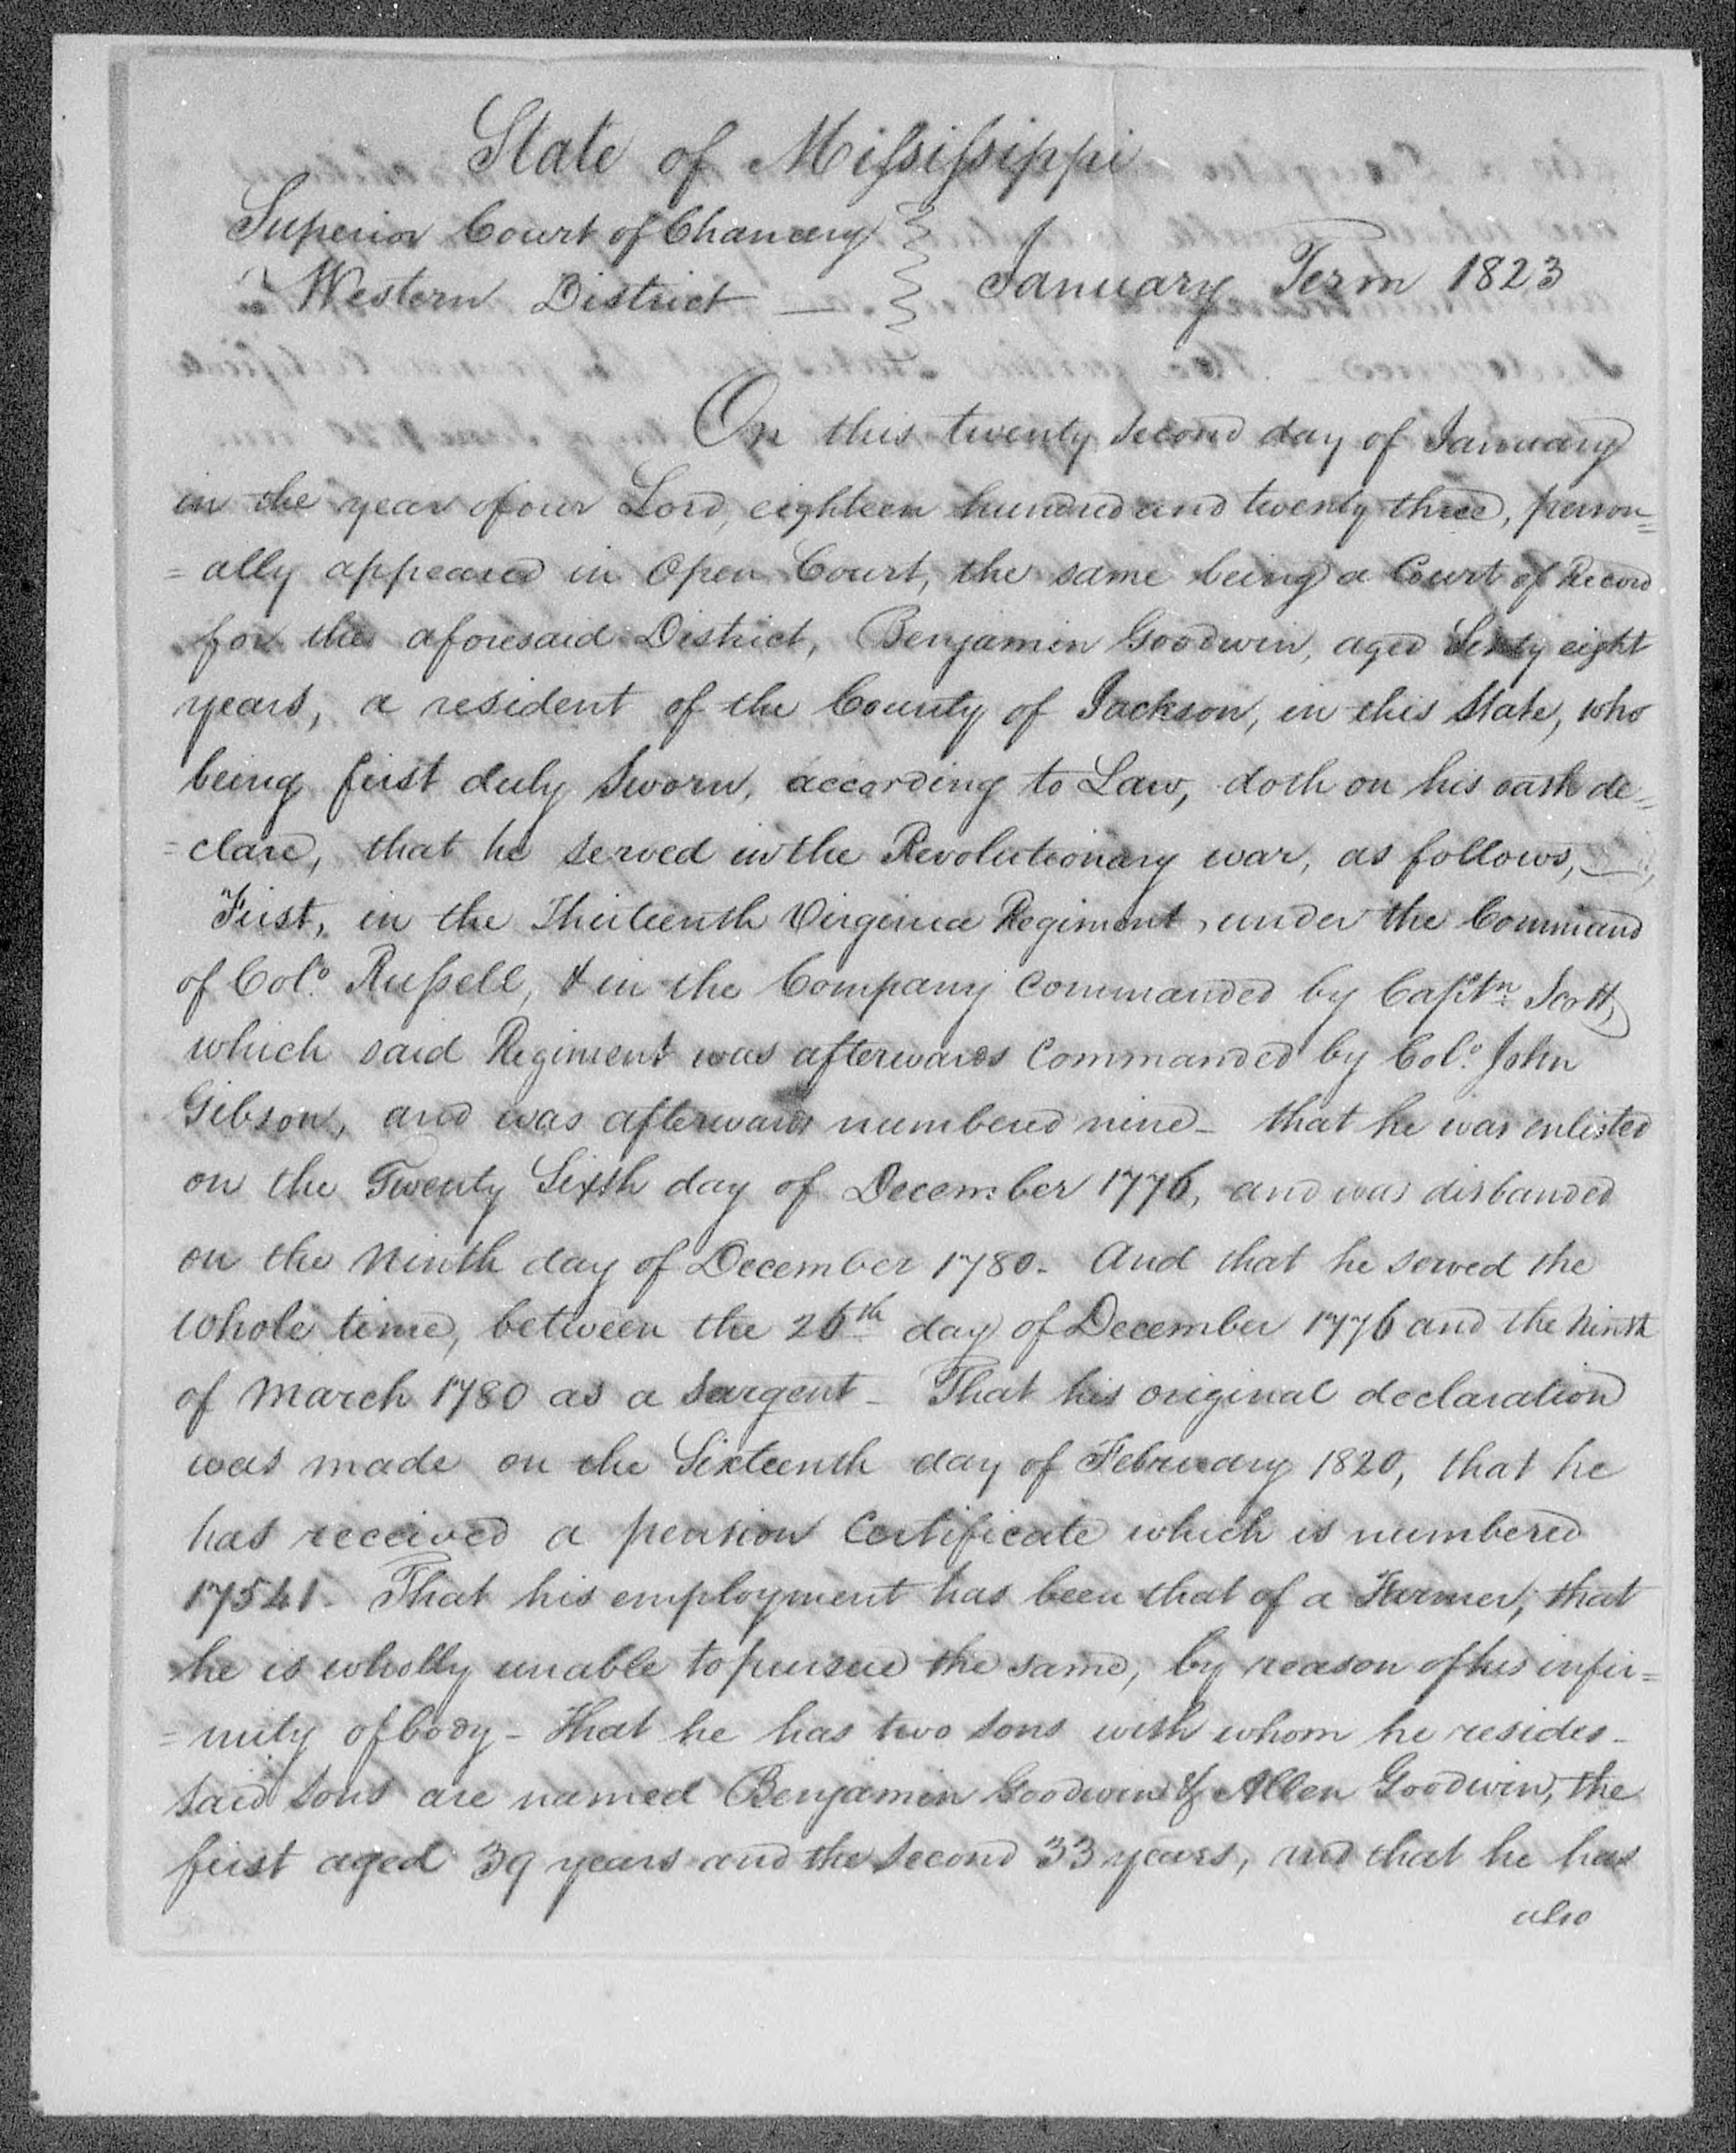State of Mississippi
Superior Court of Chancery}
Western District} January Term 1823
On this twenty second day of January in the year, of our Lord, eighteen Hundred and twenty three, personally appeared in open Court, the same being a Court of Record for the aforesaid District, Benjamin Goodwin, aged Sixty eight years, a resident of the County of Jackson, in this State, who being first duly Sworn, according to Law, doth on his oath declare, that he served in the Revolutionary war, as follows, - First, in the thirteenth Virginia Regiment, under the Command of Col. Repell, & in the Company commanded by Captn. Scott, which said Regiment was afterwards Commanded by Col. John Gibson, and was afterward numbered nine - that he was enlisted on the Twenty Sixth day of December 1776, and was disbanded on the ninth day of December 1780. And that he served the whole time, between the 26th day of December 1776 and the ninth of March 1780 as a Sargent (Sergeant)- That his original declaration was made on the Sixteenth day of February 1820, that he had received a pension certificate which is numbered  17541 - That his employment has been that of a Farmer, that he is wholly unable to pusue the same, by reason of his infirmity of body - That he has two Sons with whom he resides - Said Sons are named Benjamin Goodwin & Allen Goodwin, the first aged 39 years and the Second 33 years, and that he has also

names: John Gibson, Benjamin Goodwin, Allen Goodwin, Lord, Benjamin Goodwin, Scott, Russell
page: 8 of 24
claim: survivor's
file: S. 34903, Benjamin Goodwin, Va.